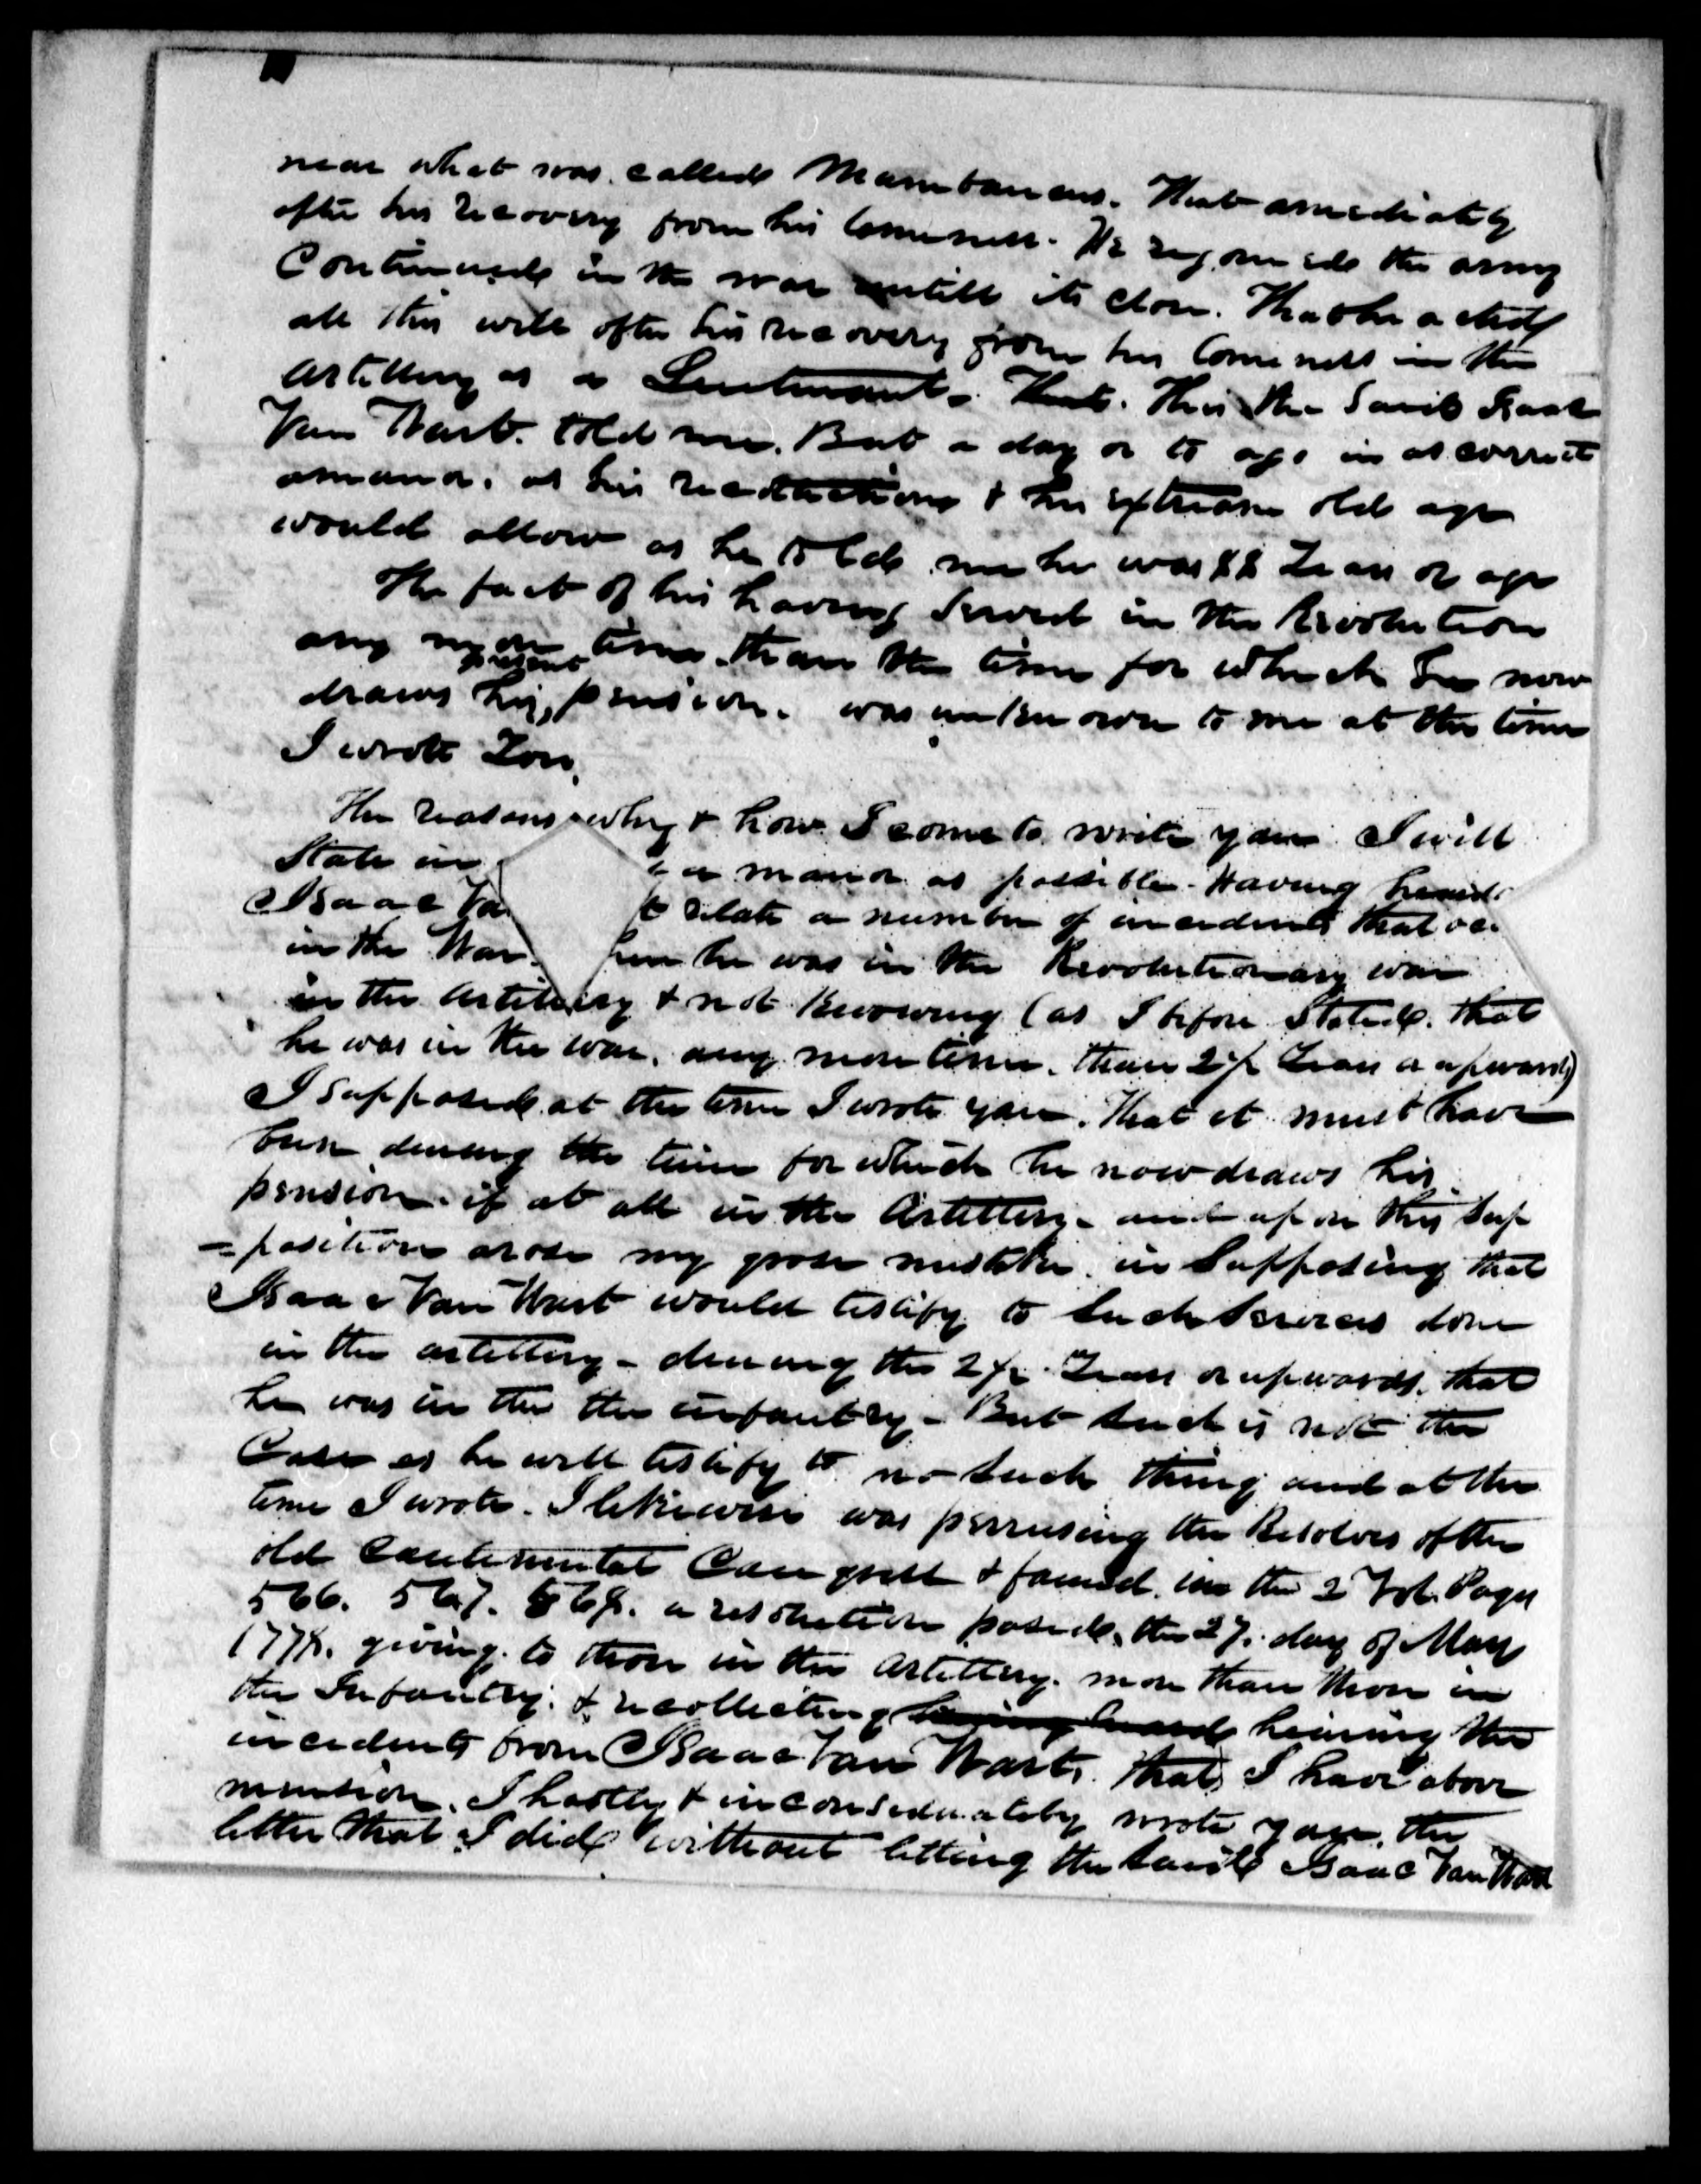near what was called [illegible]. That immediately after his recovery from his lameness. He rejoined the army Continued in the war untill its close. [illegible] all this will after his recovery from his lameness in the artillery as a Lieutenant. This the said Isaac Van Wart told me. But a day or so ago is as correct [illegible] as his recollection & his extreme old age would allow as he told me he was 88 years of age 
The fact of his having served in the Revolution any more time than the time for which he now draw his present pension was unknown to me at the time I wrote you.
The reasons why & how I come to write you I will state in [piece cut out] a manner as possible – Having [illegible, himself?] Isaac Van Wart & late a number of incidents that occurred in the War [illegible] he was in the Revolutionary war in the Artillery & not knowing (as I before stated that he was in the war any more than 2 ½ years a upward) I supposed at the time I wrote you, that it must have been during the time for which he now draws his pension if at all in the Artillery and upon this supposition arose my great mistake in supposing that Isaac Van Wart would testify to such service done in the artillery during the 2 ½ years or upwards, that he was in the the infantry - But such is not the case as he will testify to no such thing and at the time I wrote. I likewise was perrusing the resolves of the old continental Congress & found in the 2 Feb. Pages 566. 567. 568. a resolution passed the 27 day of May 1778. giving to those in the Artillery more than those in the Infantry & in recollection hearing the incident from Isaac Van Wart, that I have above mention. I hastily & inconsiderately wrote you the letter that I did without letting the said Isaac Van Wart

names: Isaac Van Wart, Isaac Van Wart, Isaac Van Wart, Isaac, Isaac Van Wart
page: 68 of 102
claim: widow's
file: W. 18239, Isaac Van Wart, New York